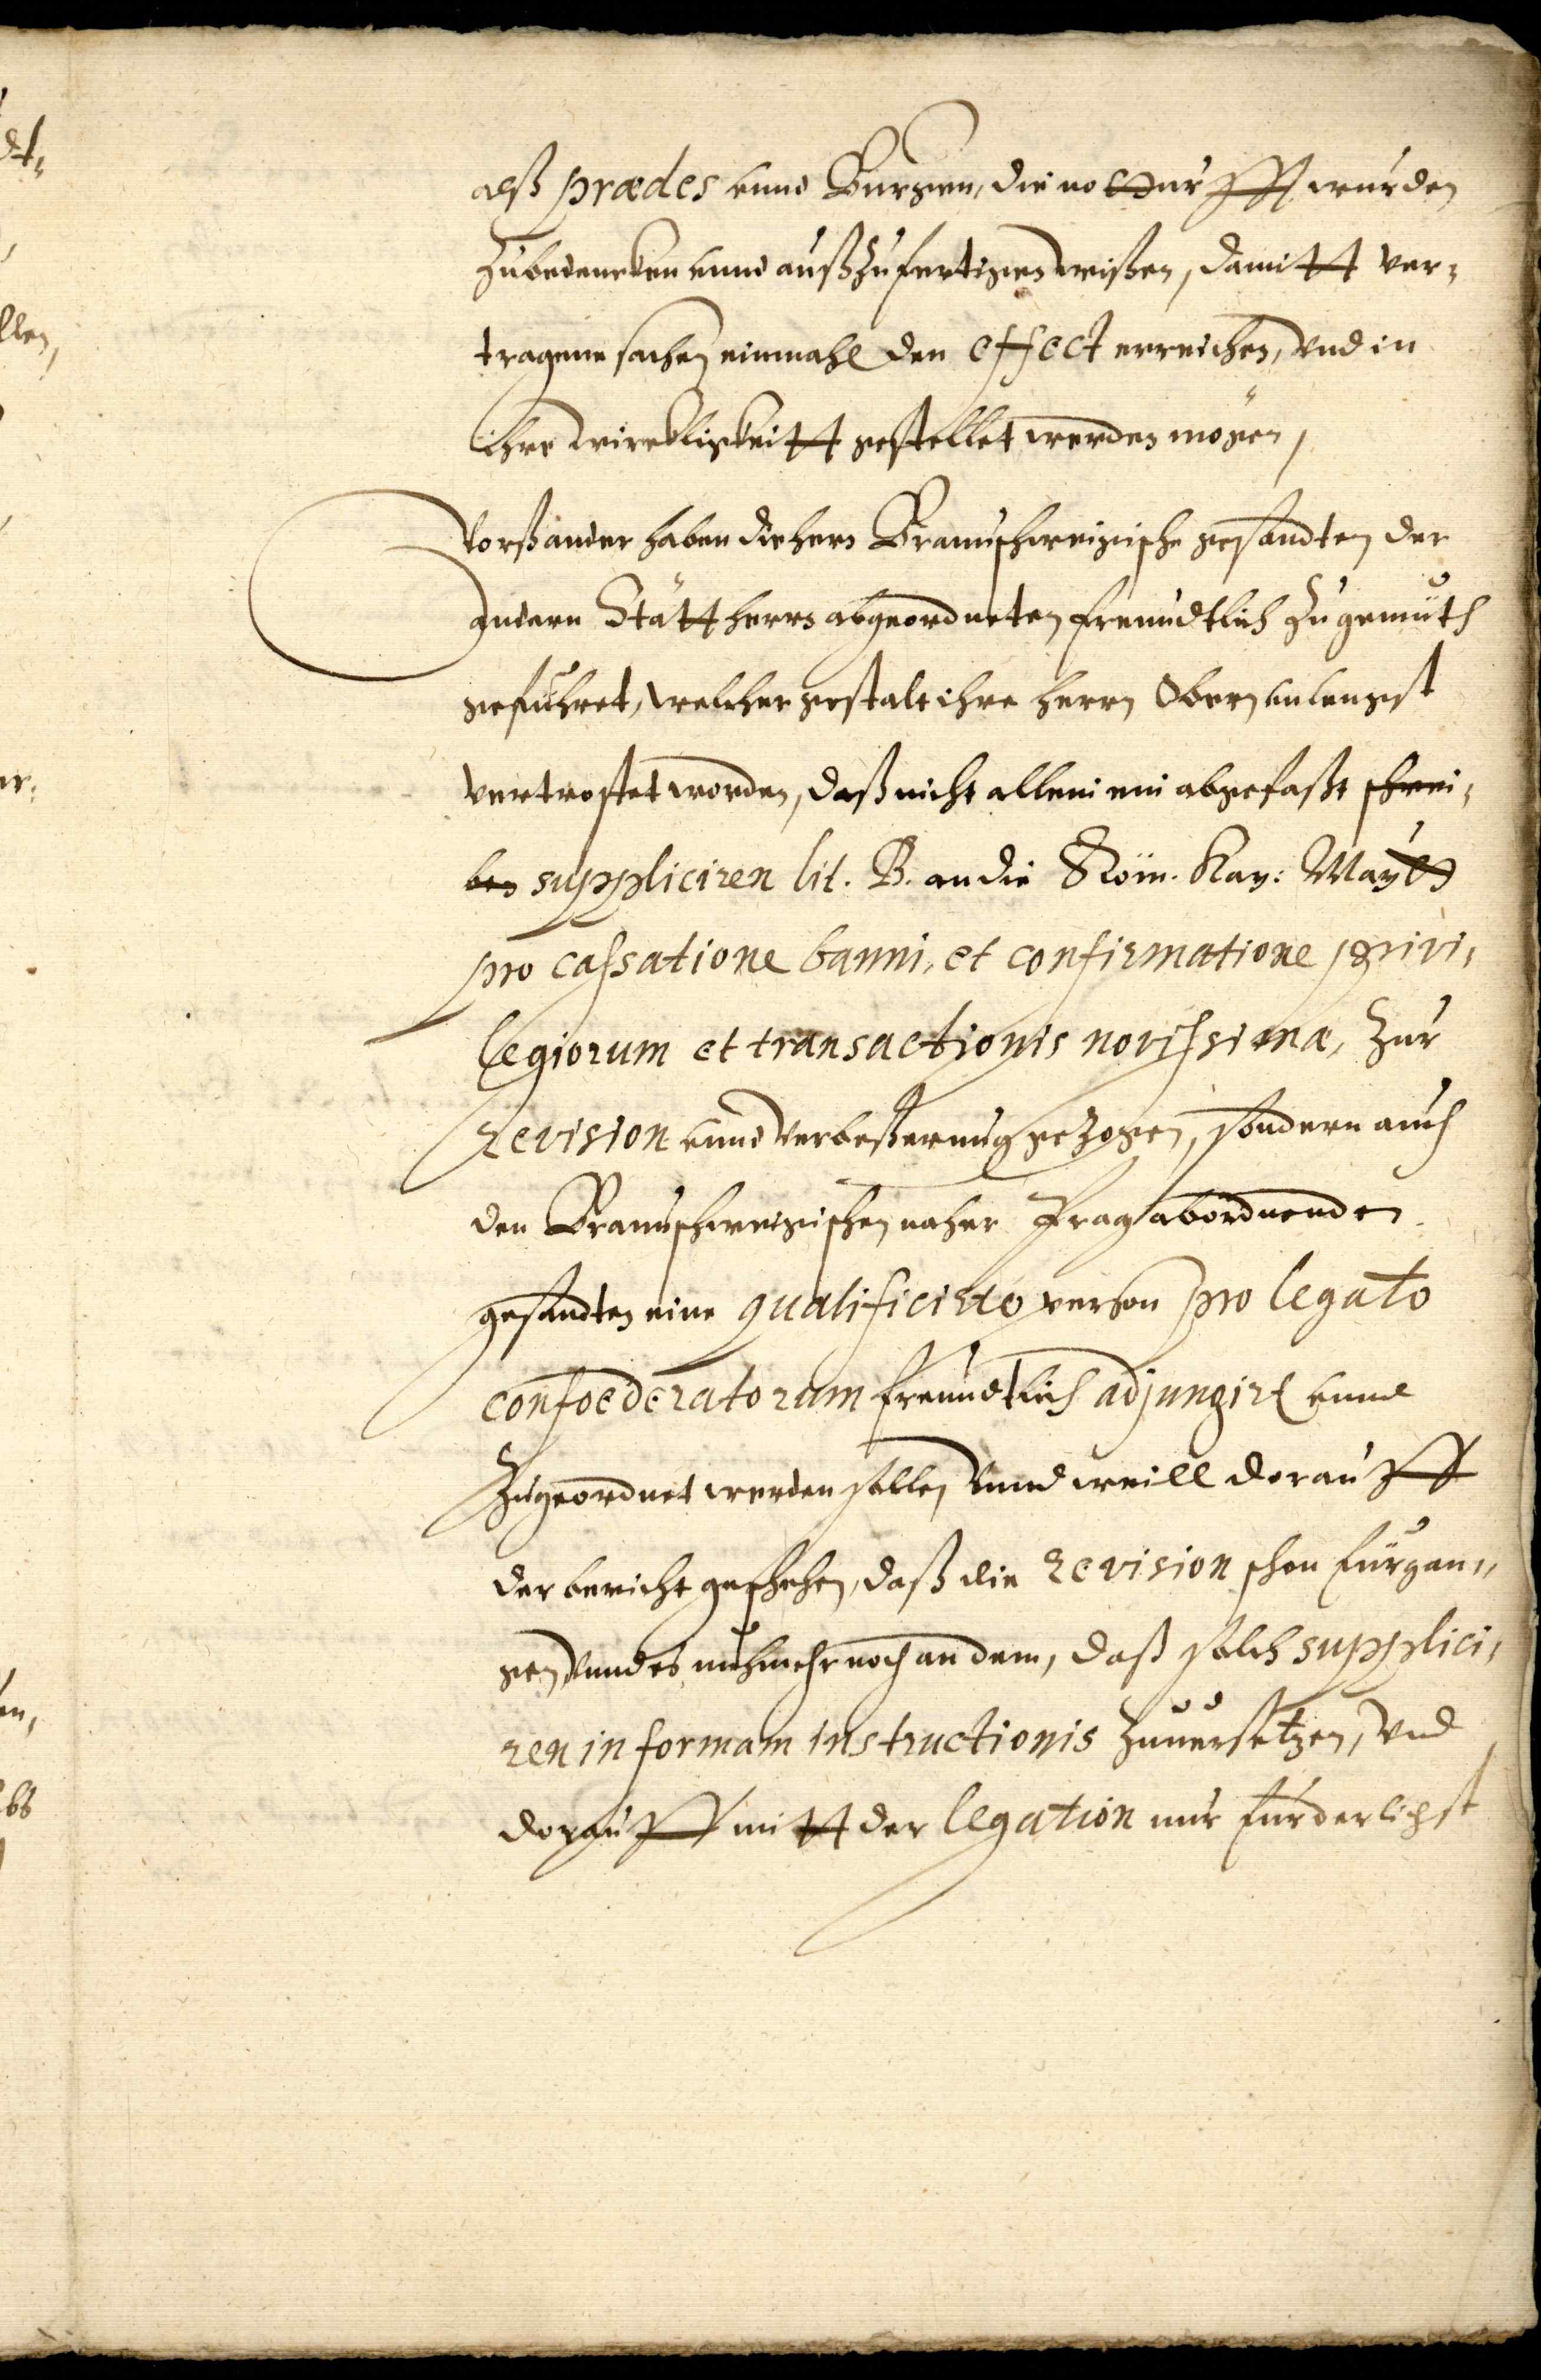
alß praedes vnnd Bürgen, die notturfft wurden
zubedencken vnnd außzufertigen wißen, damitt ver¬
tragene sachen niemahl den efffect erreichen, vnd in
ihre wirckligkeitt gestellet werden mögen,
Vorß ander haben die hern Braunschweigische gesandten der
andern Stätt herrn abgeordneten freundtlich zu gemüth
geführet, welcher gestalt ihre herrn obern vnlengst
vertrostet worden, daß nicht allein ein abgefaßt schrei¬
ben suppliciren lit. B. an die Röm. Kay: Maytt
pro cassatione banni, et confirmatione privi¬
legiorum et transactionis novissimae, zur
revision vnnd verbeßerung gezogen, sondern auch
den Braunschweigischen naher Prag abordnenden
gesandten eine qualificirte person pro legato
confoederatorum freundtlich adjungirt vnnd
zugeordnet werden sollen vnnd weill dorauff
der bericht geschehen, daß die revision schon fürgan¬
gen vnnd es nuhmehr noch an dem, daß solchs supplici¬
ren in formam instructionis zuuersetzen, vnd
dorauff mitt der legation nur fürderligst
